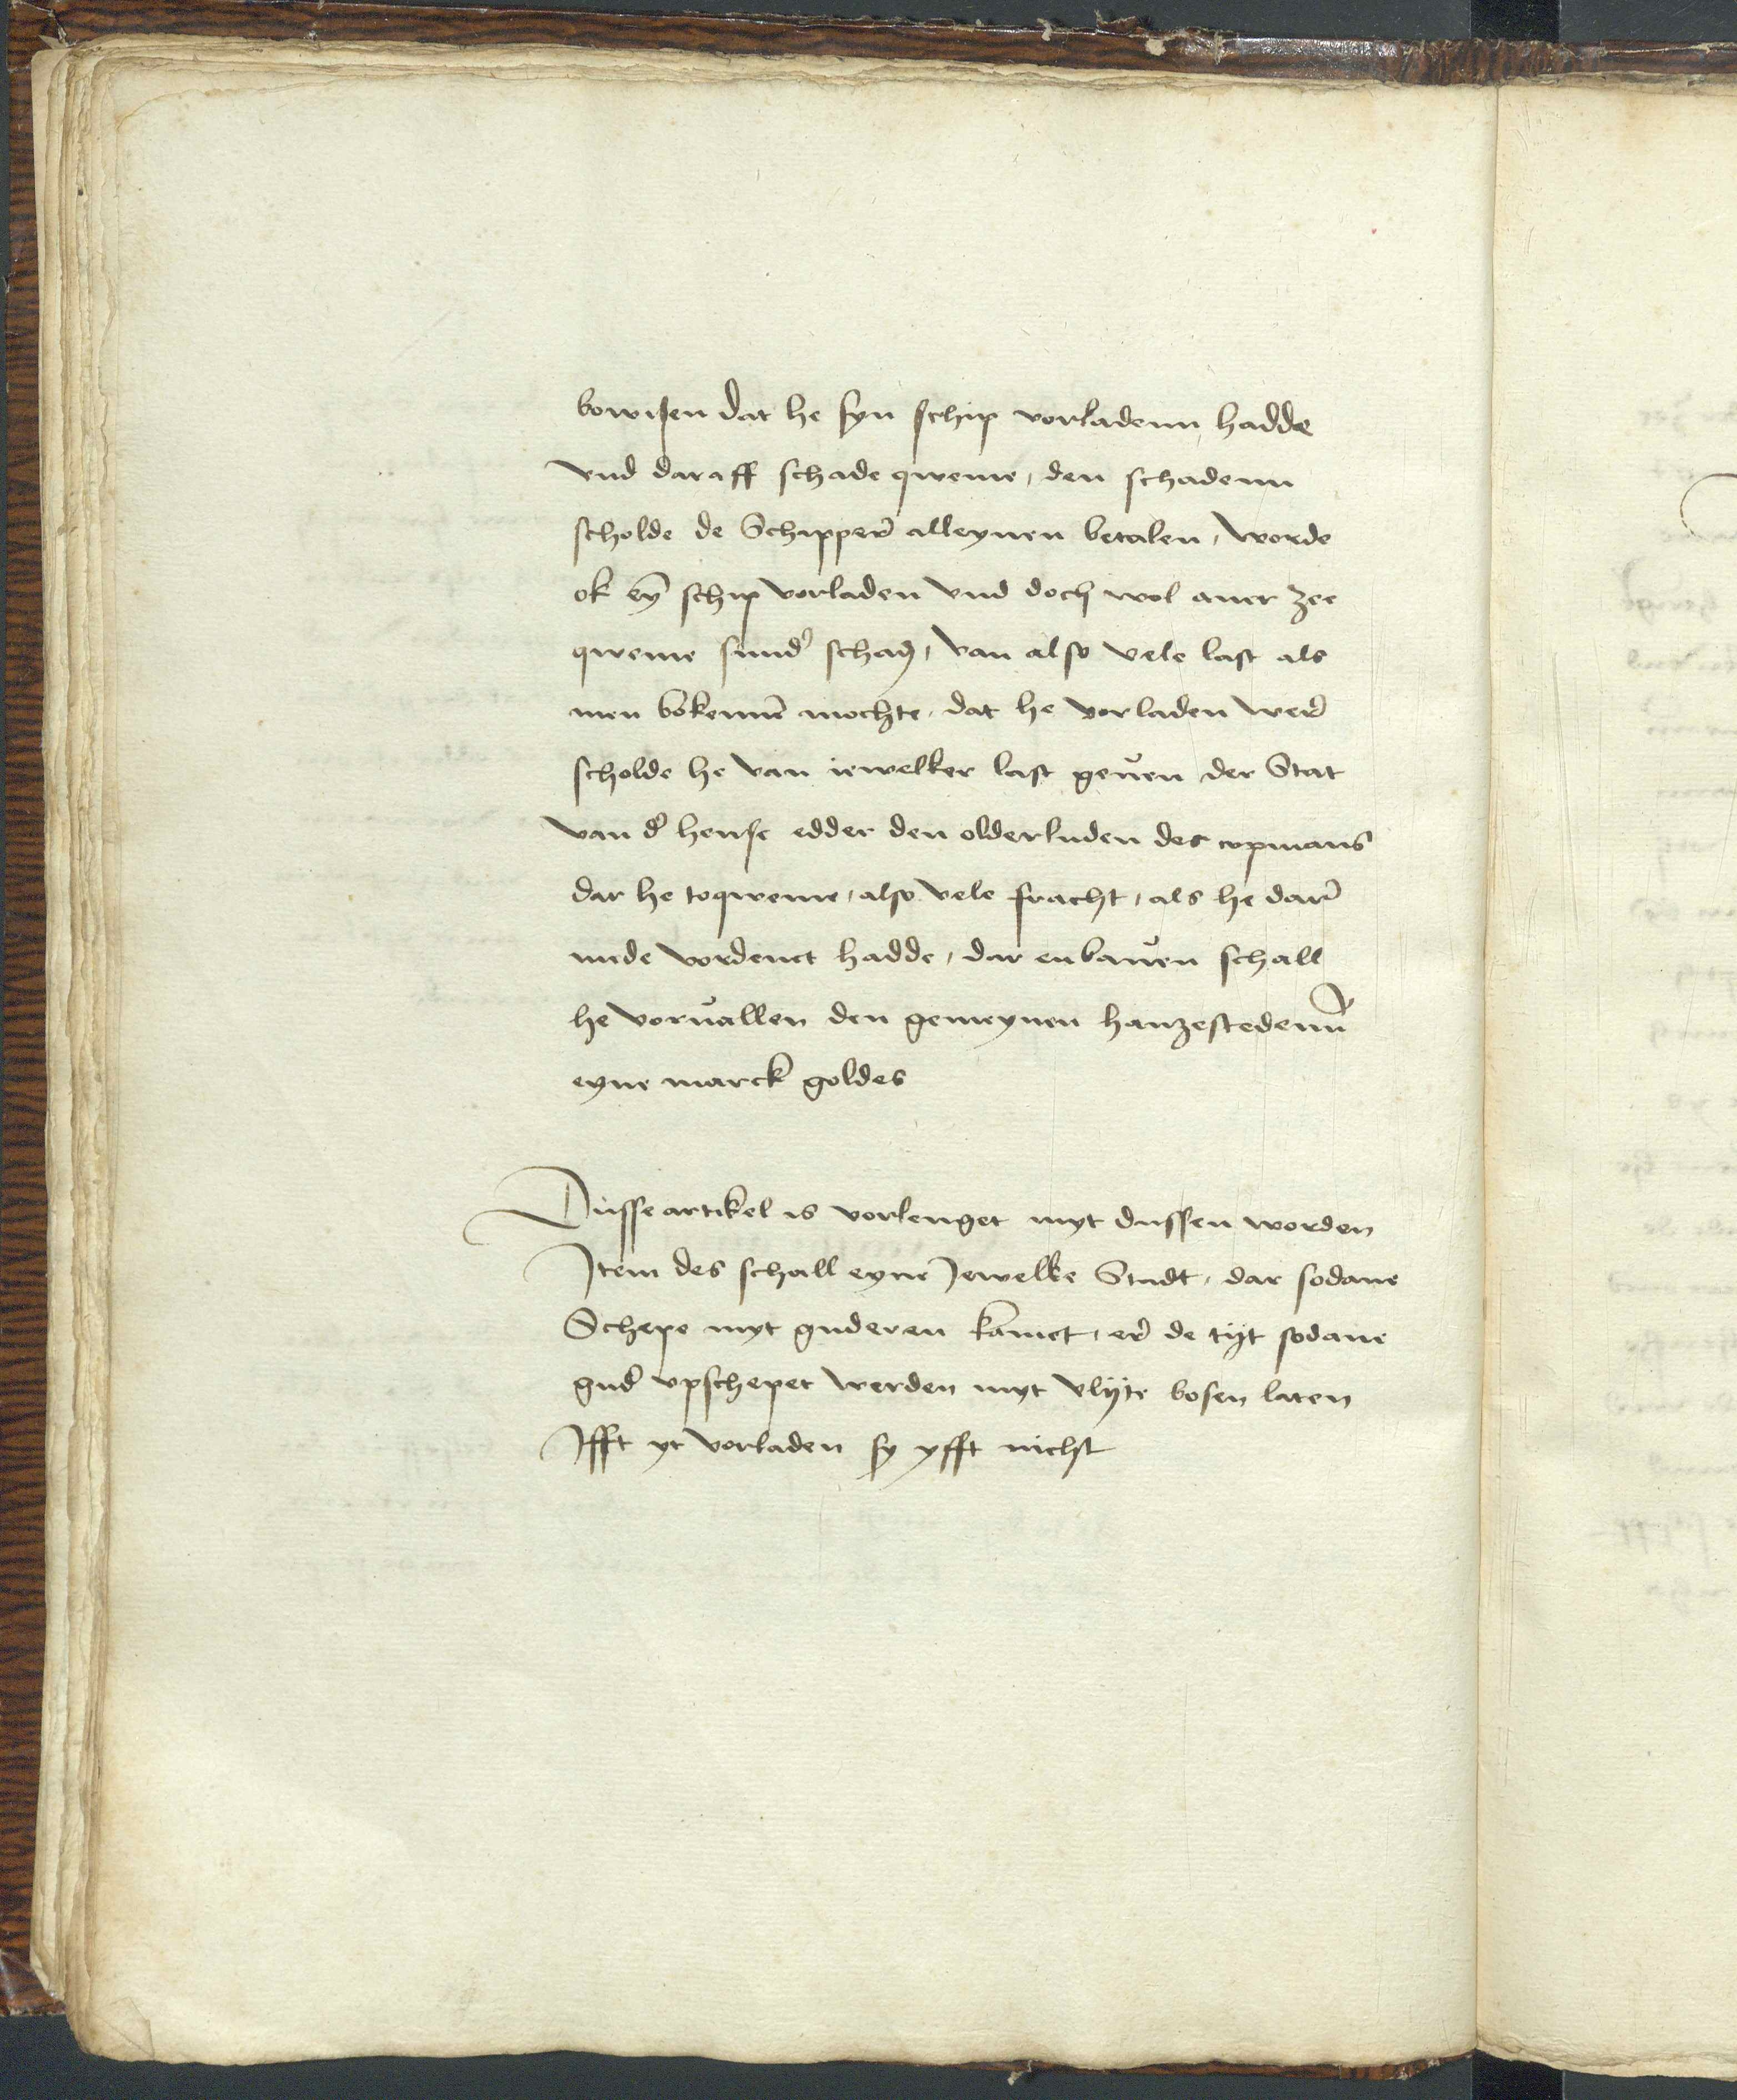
bowisen dat he syn schip vorladenn hadde
vnd daraff schade qweme, den schadenn
scholde de Schipper alleynen betalen, worde
ok eyn schip vorladen vnd doch wol auer Zee
qweme sunder schaden, van also vele last als
men bokennen mochte, dat he vorladen weren
scholde he van iewelker last geuen der Stat
van der hense edder den olderluden der copmans
dar he toqweme, also vele fracht, als he dar¬
mede vordenet hadde, dar enbauen schall
he voruallen den gemeynen hanzestedenn
eyne marck goldes
Dusse artikel is vorlenget myt dussen worden
Item des schall eyne Jewelke Stadt, dar sodane
Schepe myt guderen kamet, ere de tijt sodane
guder vpschepet werden myt vlijte bosen laten
Jfft yt vorladen sy yfft nicht
